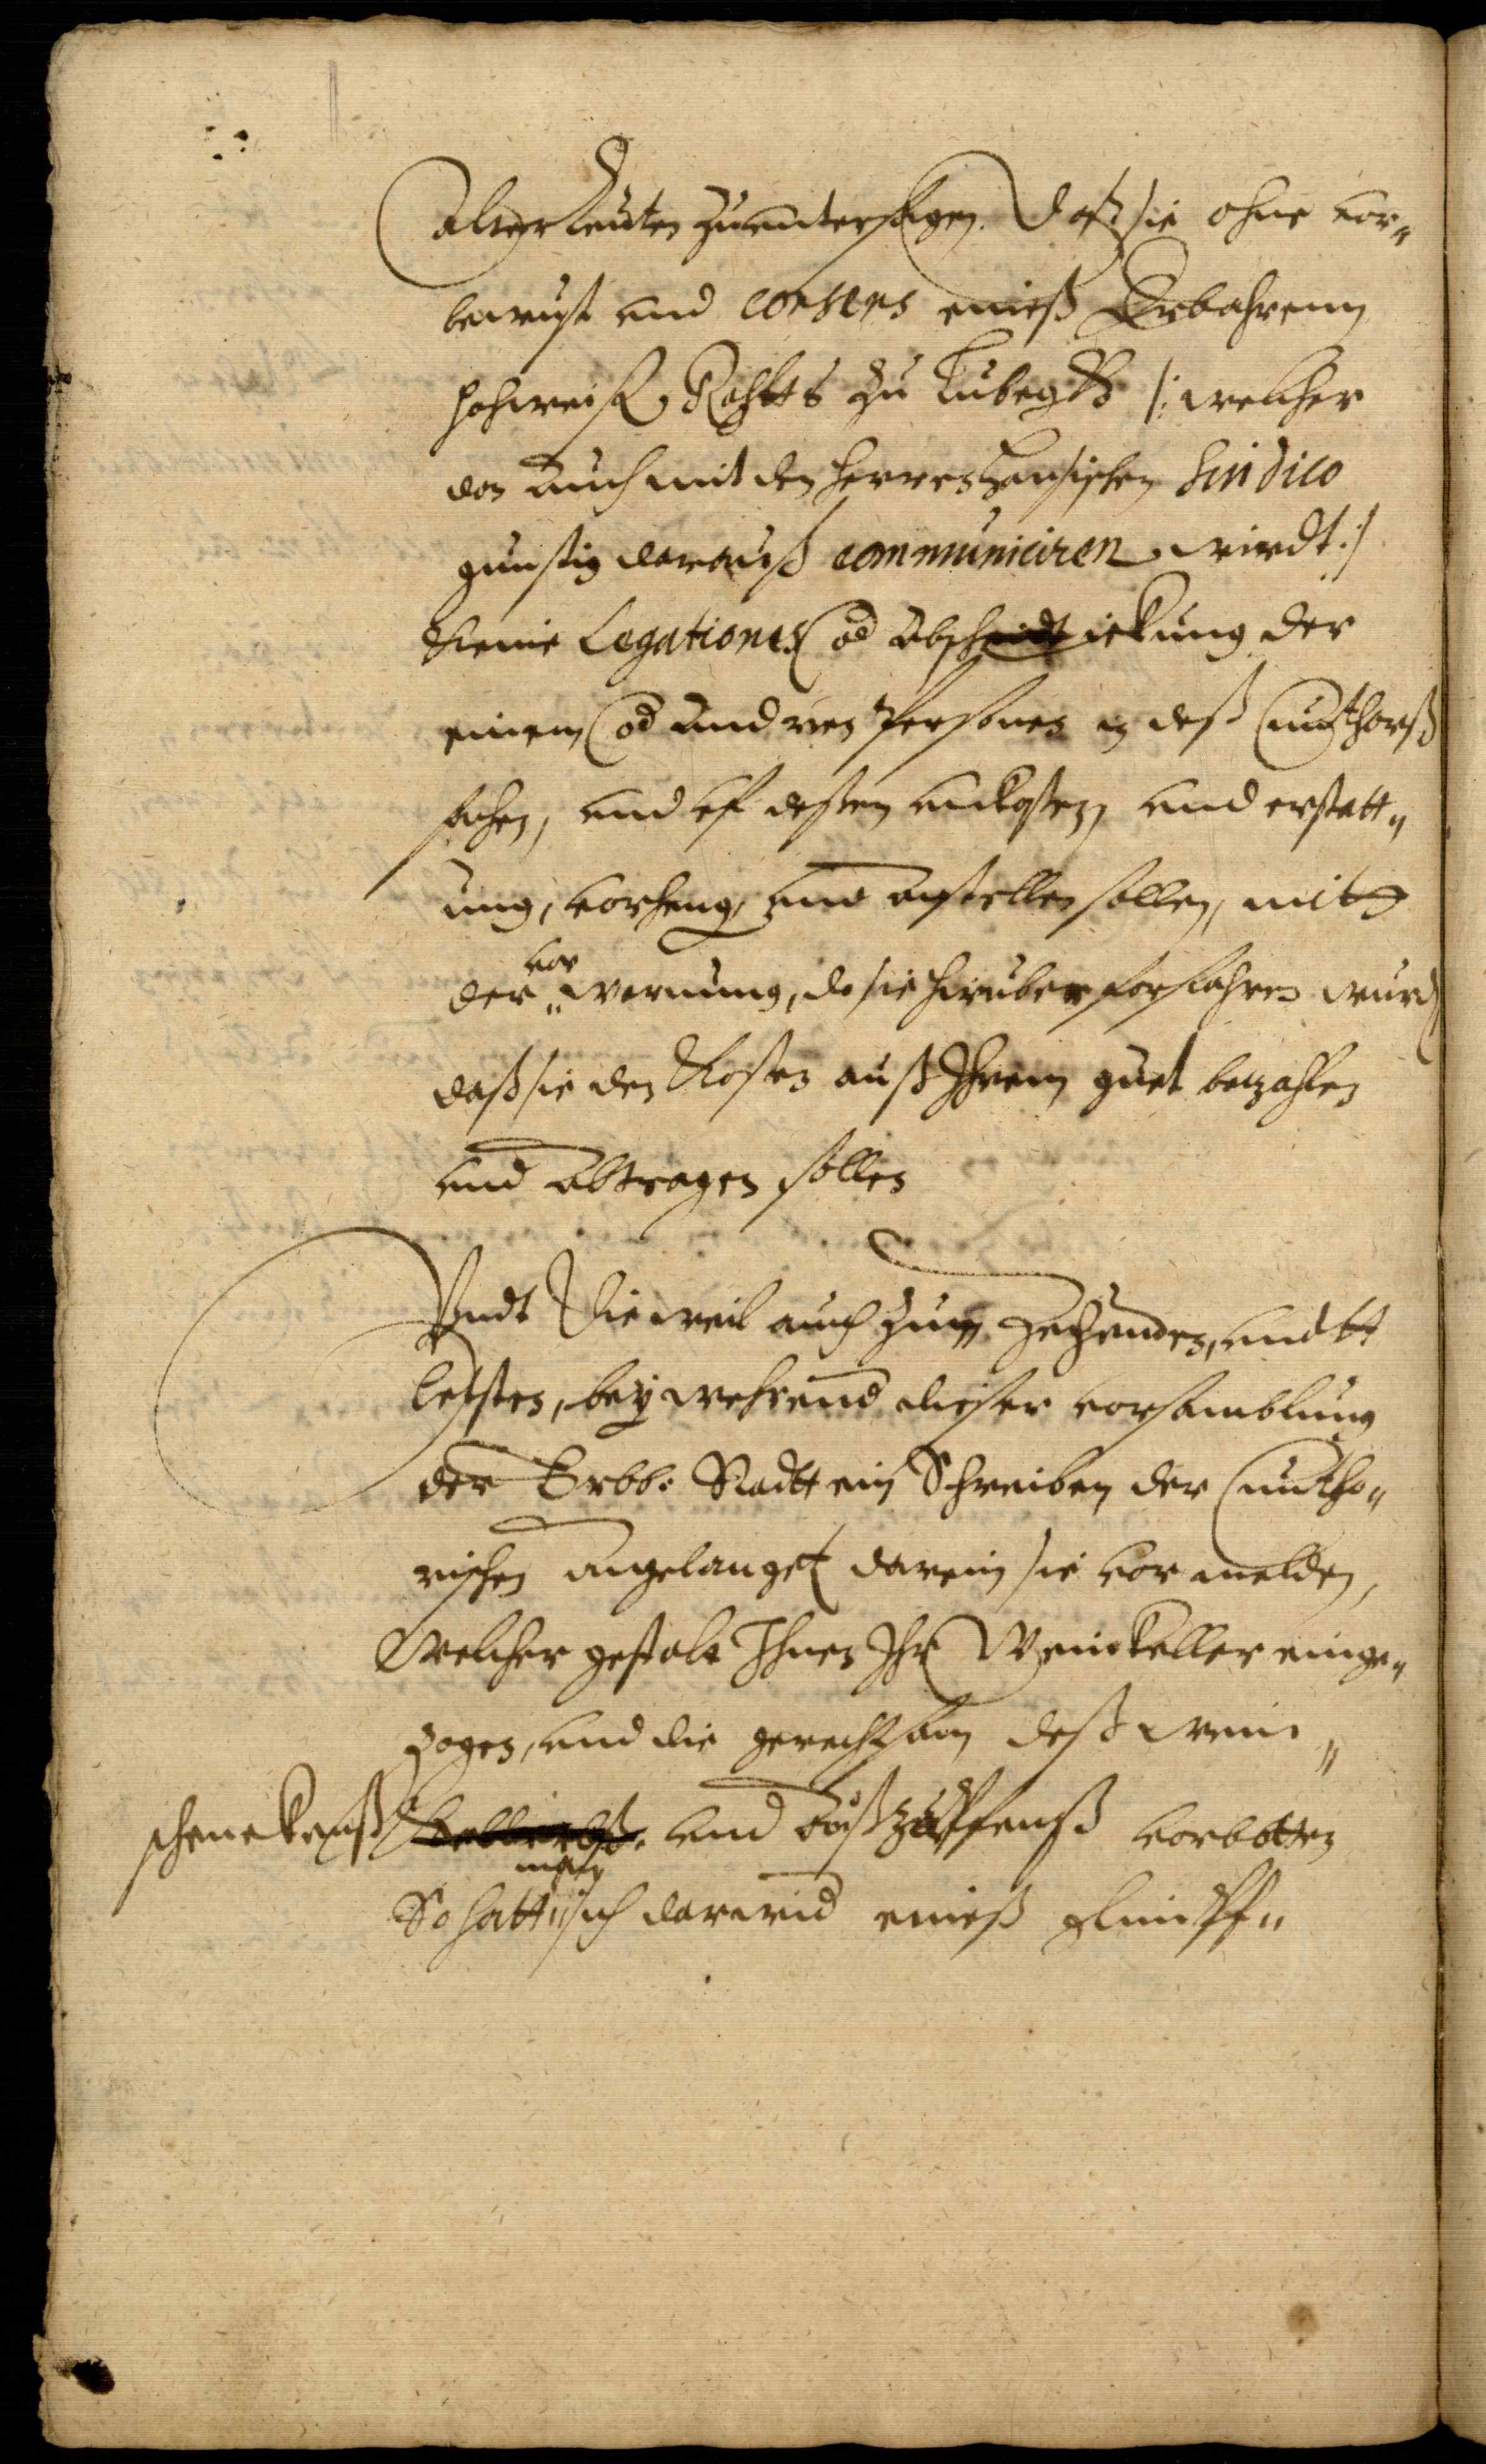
Alterleuten zuvntersagen Daß sie ohne vor¬
bericht vnd consens eineß Erbahrenn
hohweisen Rahtts zu Lubegk /: welcher
dan auch mit dem herren Hansischen Sindico
gunstig darauß communiciren wirdt :/
keine Legationes oder Abscheidtickung der
einem oder andren Personen in deß Cunthorß
sachen, vnd vf deßen vnkosten vnd erstatt¬
ung, vorhengen, vnd Anstellen sollen, mitt
der vorwarnung, do sie hiruber forfahren wurden
daß sie den Kosten auß Ihrem guet bezahlen
vnd Abtragen sollen
Vndt die weil auch zum Zehenden, vndtt
letsten, beij wehrender dieser vorsamblung
der Erbb: Stadt ein Schreiben der Cuntho¬
rischen Angelanget darein sie vor melden,
welcher gestalt Ihnen Ihr Weinkeller einge¬
zogen, vnd die gerechtsam deß wein¬
schenckenß Kellereß vnd Außzapfenß vorbotten
So hatt man sich darwider eineß glimpf¬
